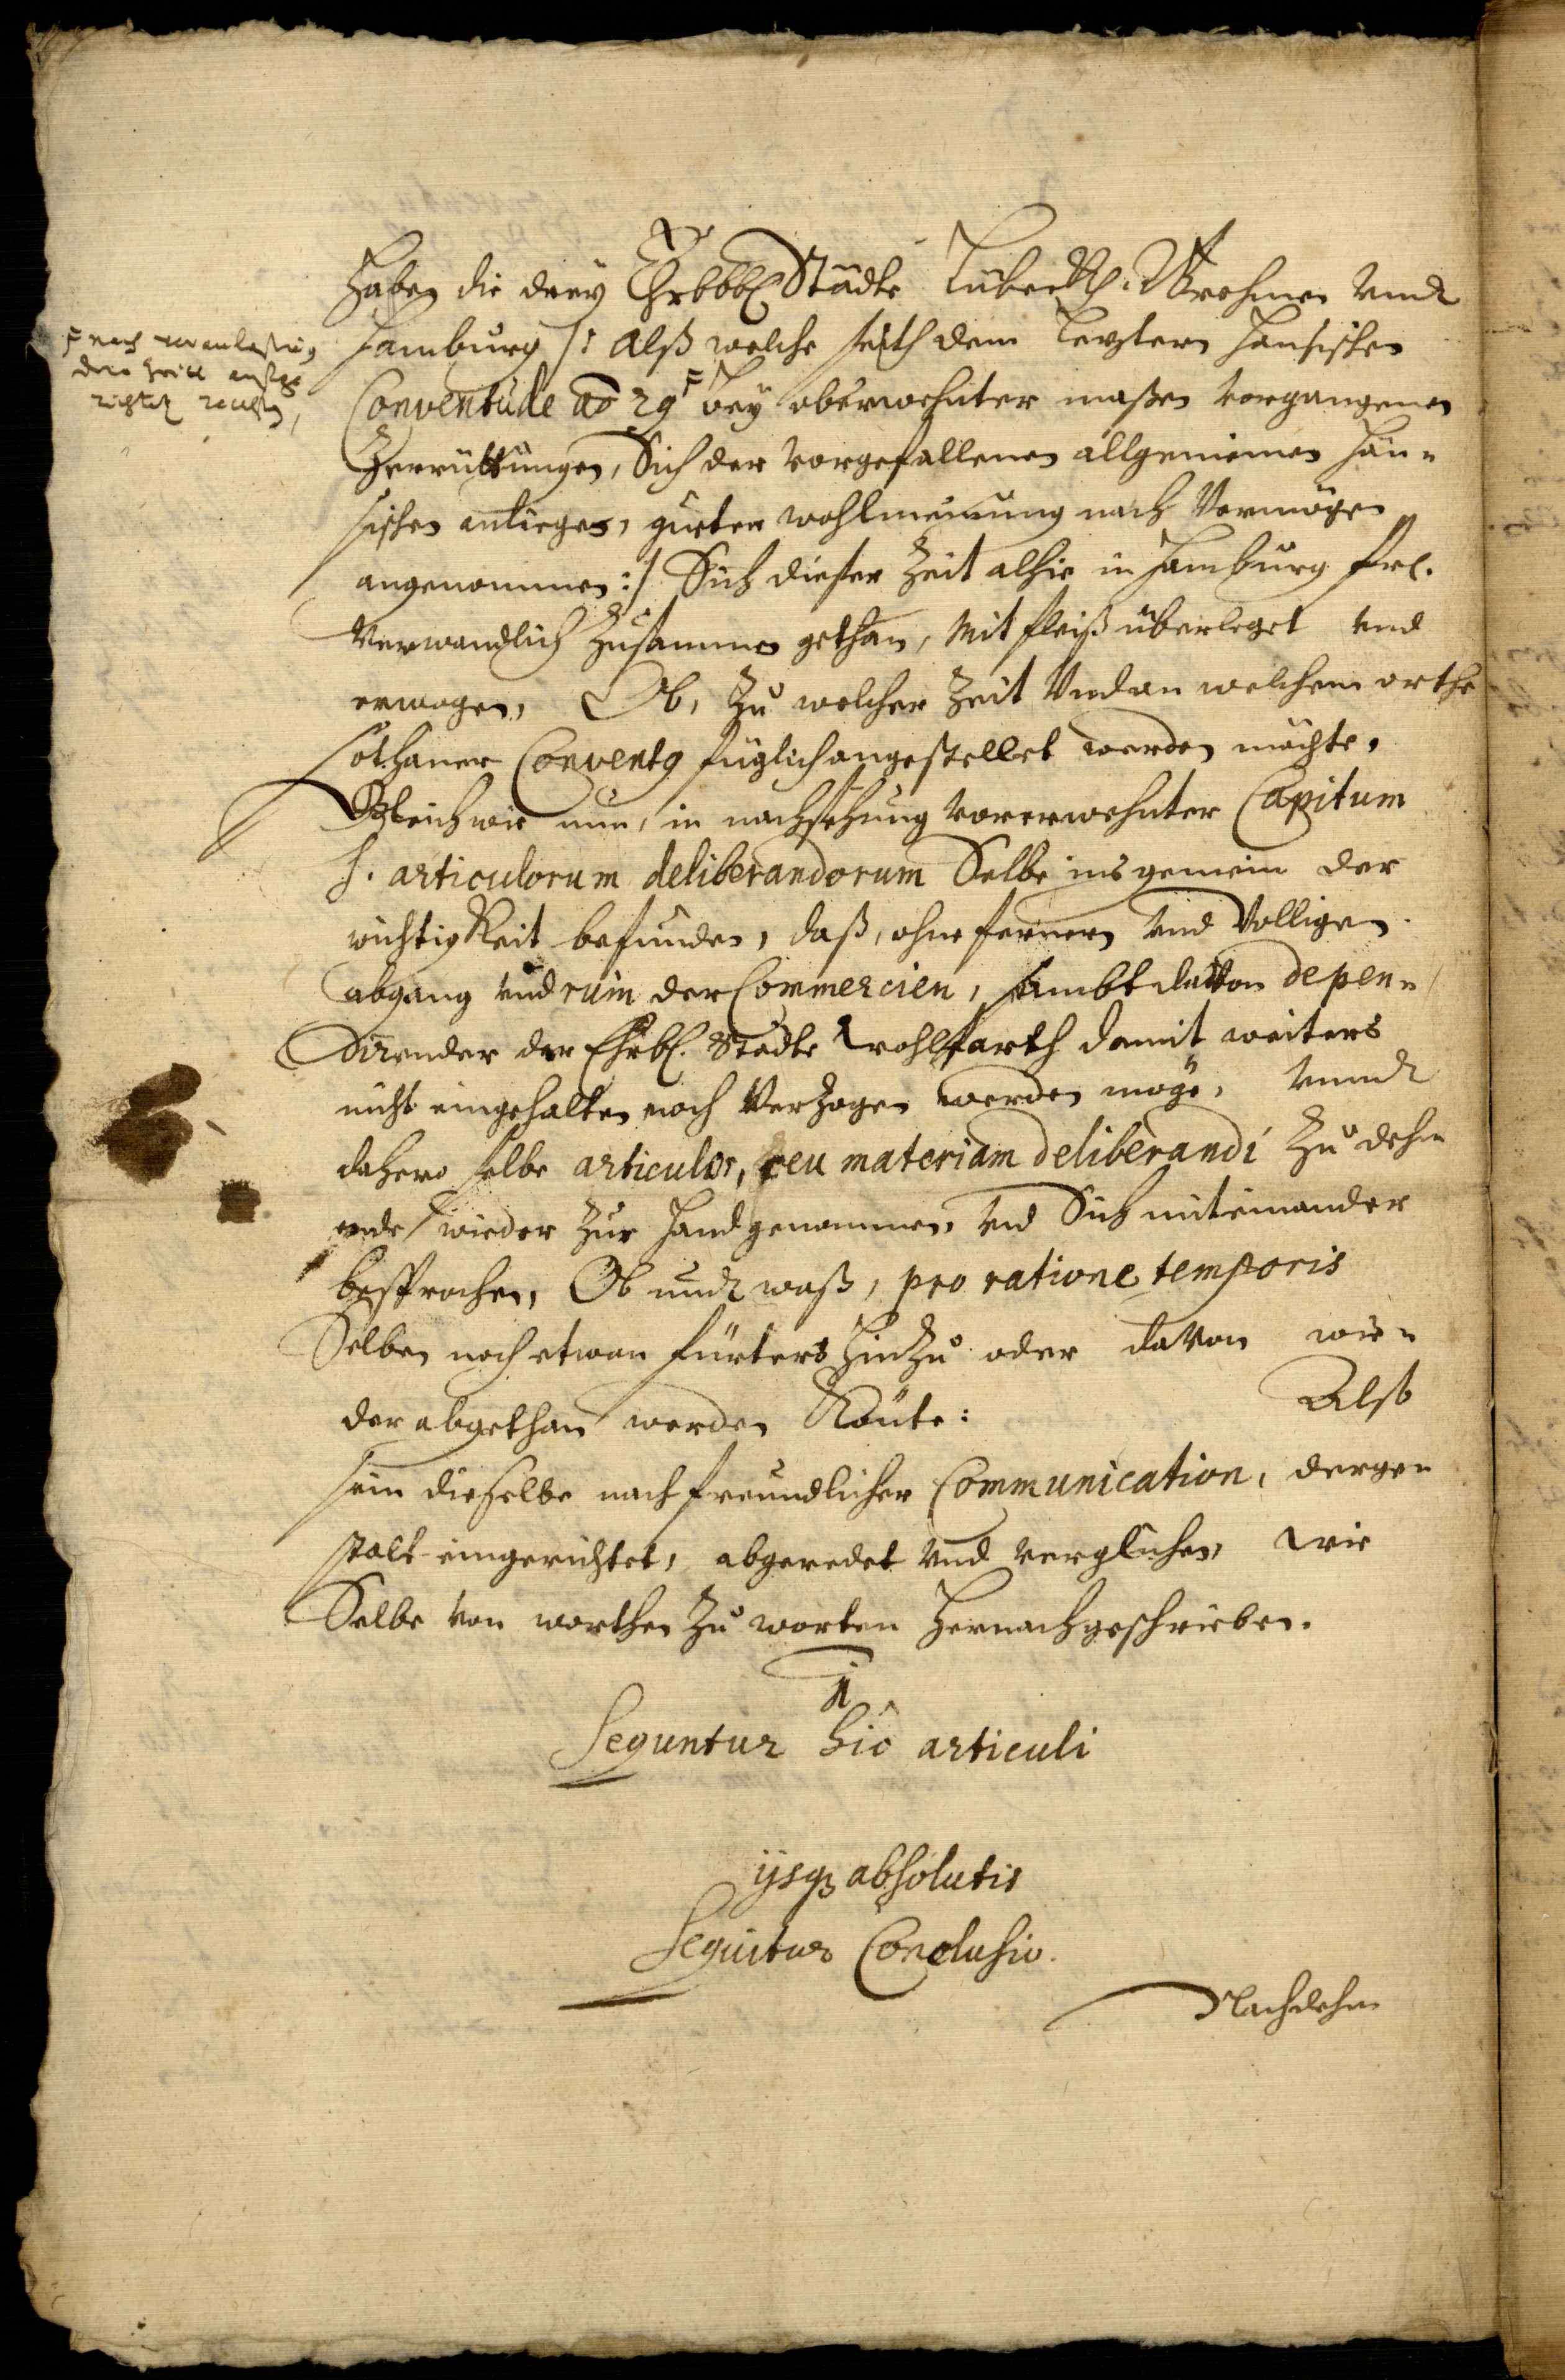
F nach veranlasung
der Zeitt aufge
richteter recessen,
haben die dreij Erbbb. Städte Lübeckh, Brehmen vndt
Hamburg /: alß welche seith dem leztern hansischen
Conventu de anno 29 F beij oberwehnter maßen vorgangenen
zerrüttungen, Sich der vorgefallenen allgemeinen han¬
sischen anliegen, gueter wohlmeinung nach vormögen
angenommen :/ Sich dieser zeit alhie in Hamburg prl.
verwandlich zusammen gethan, mit fleiß überleget vnd
erwogen, Ob, zu welcher zeit vnd an welchem orthe
sothaner Conventus füglich angestellet werden möchte.
Gleich wie nun, in nachsehung vorerwehnter Capitum
h. articulorum deliberandorum Selbe insgemein der
wichtigkeit befunden, daß, ohne fernern vnd volligen
abgang vnd rum der Commercien, sambt davon depen¬
dirender der Ehrb. Städte wohlfarth damit weiters
nicht eingehalten noch verzogen werden möge, vnndt
dahero selbe articula, reu materiam deliberandi zu dehm
ende wieder zur hand genommen, vnd sich miteinander
besprochen, Ob undt waß, pro ratione temporis
Selben noch etwan fürters hintzu oder davon wie¬
der abgethan werden könte: Also
sein dieselbe nach freundlicher Communication, derge¬
stalt eingerichtet, abgeredet vnd verglichen, wie
Selbe von worthen zu worten hernachgeschrieben.
1
Sequntur hic articuli
ijsquam absolutis
Sequitur Conclusio
Nachdehm
